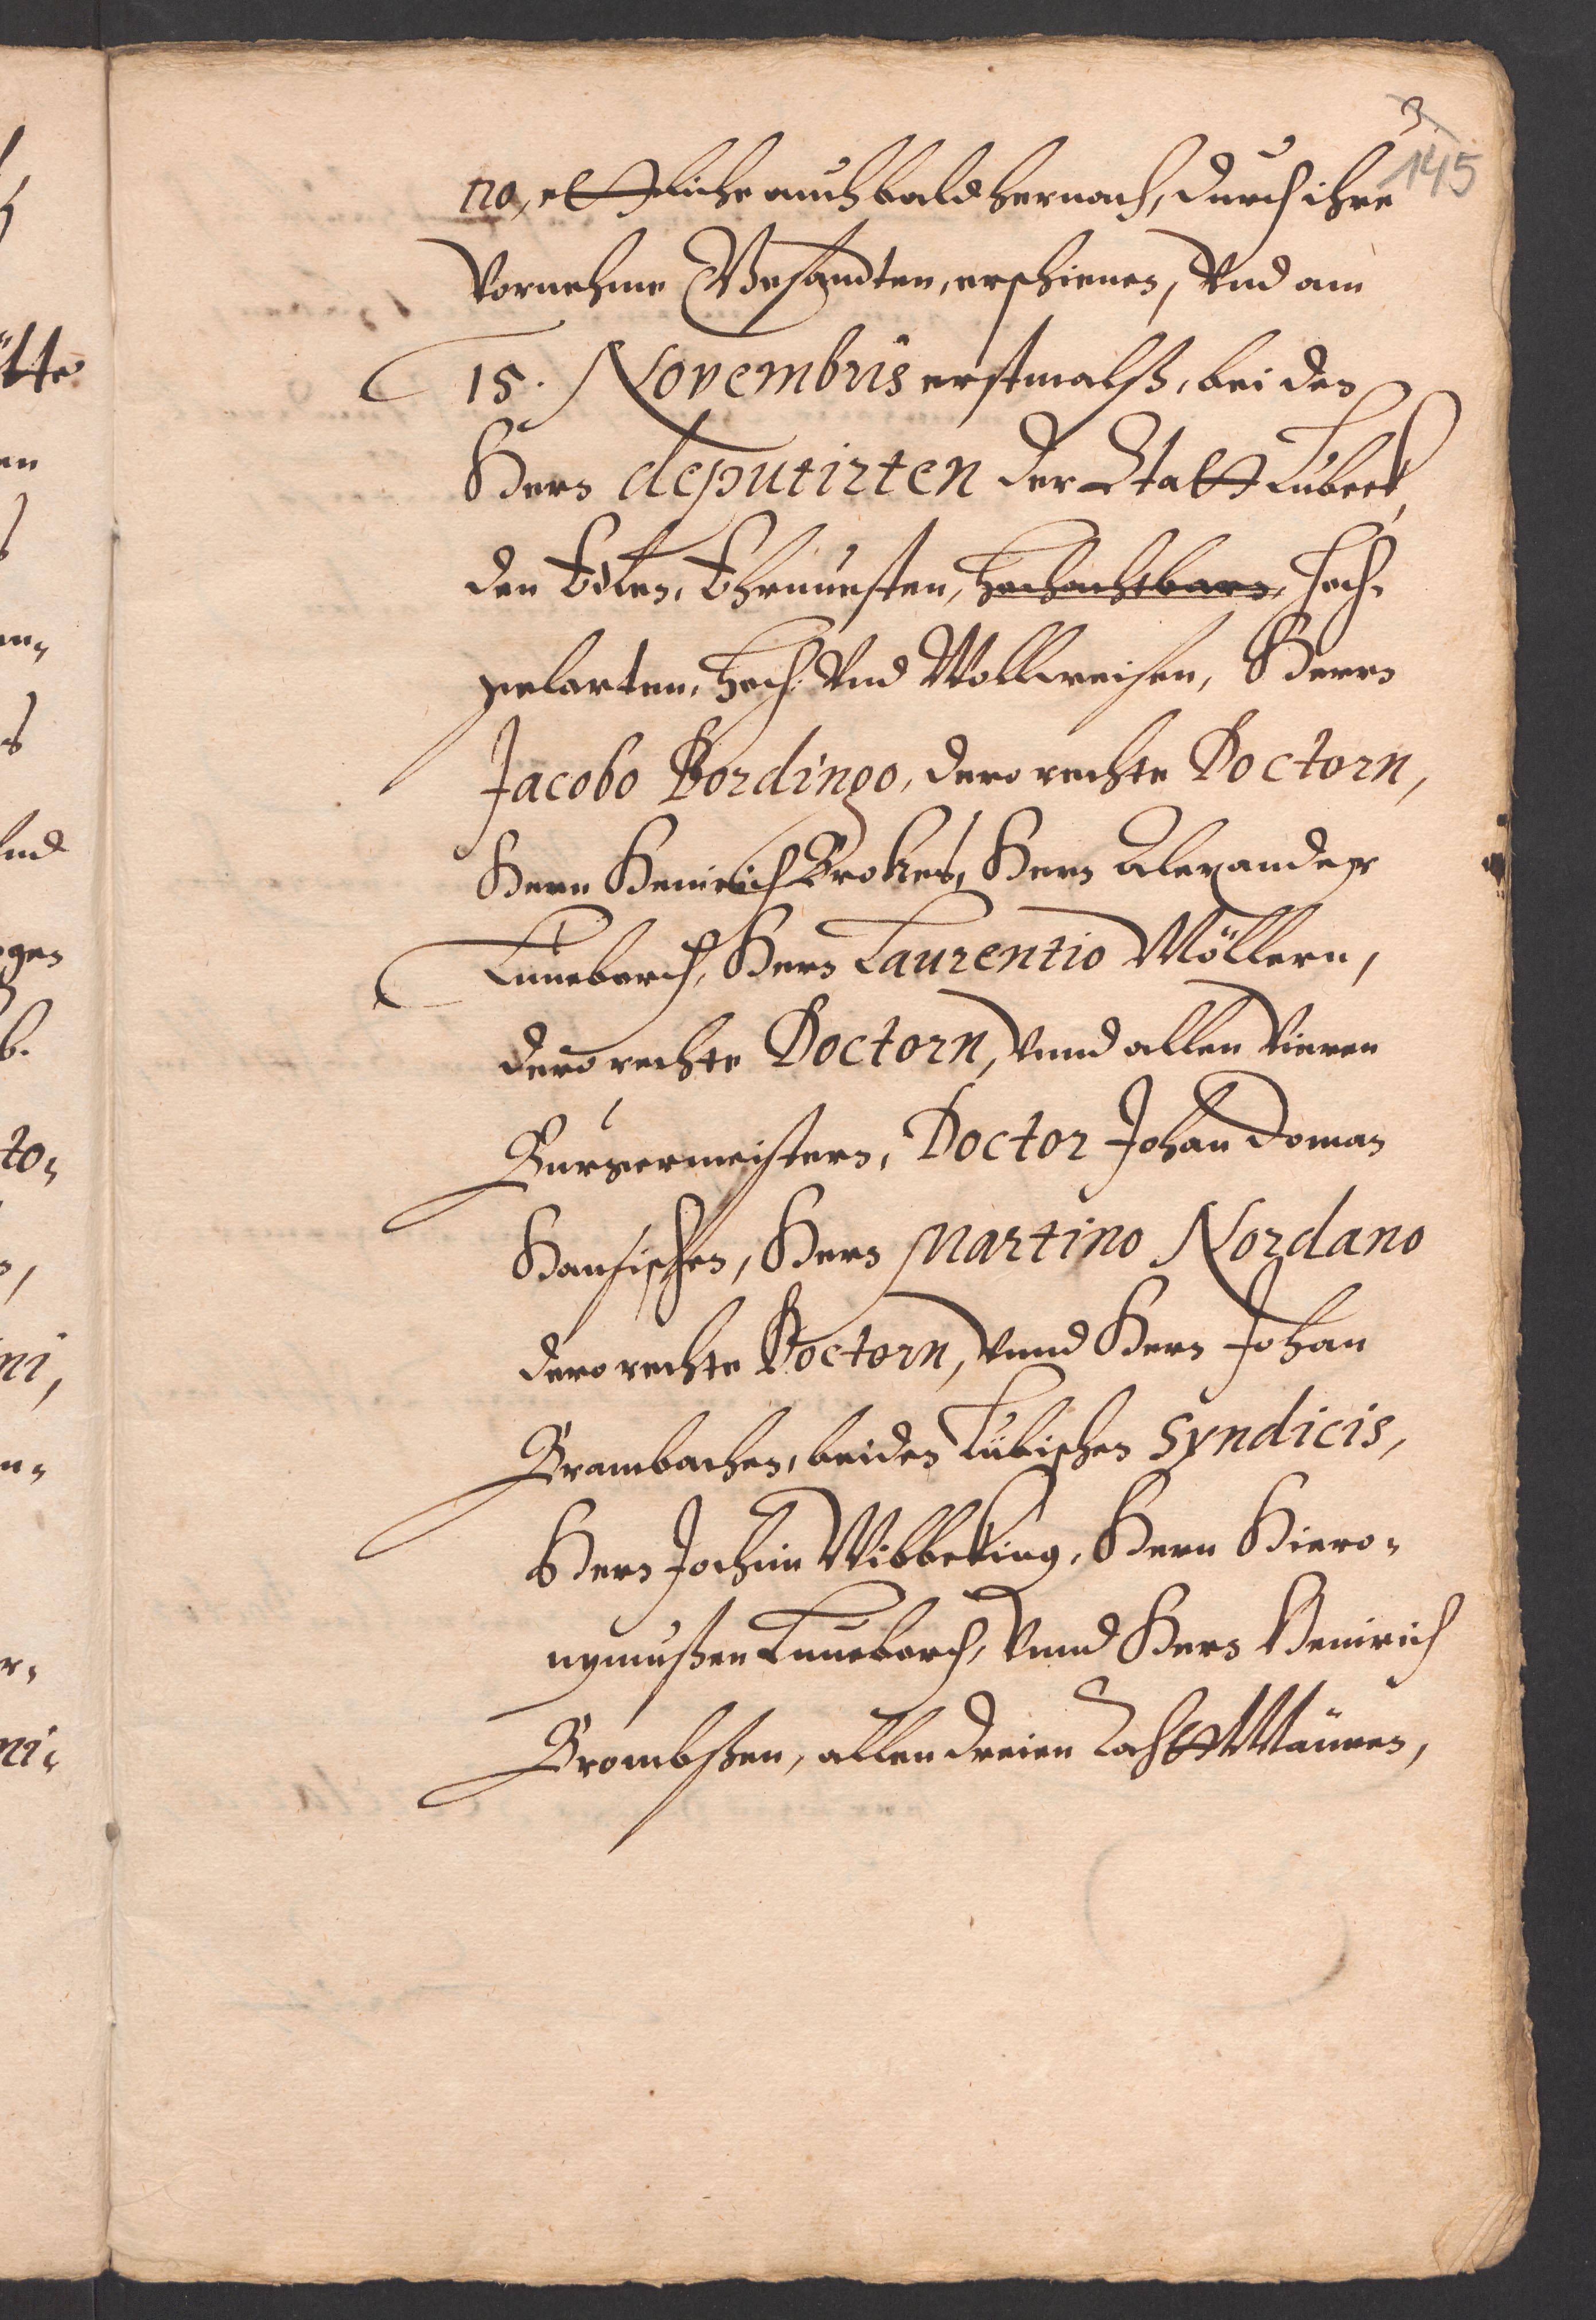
3
no, ettliche auch bald hernach, durch ihre
vornehme Gesandten, erschienen, vnd am
15. Novembris erstmalß, bei den
Hern deputirten der Statt Lubeck,
den Edlen, Ehrnuesten, hochachtbarn, hoch¬
gelarten, hoch: vnd Wollweisen, Herrn
Jacobo Bordingo, dero rechte Doctorn,
Hern Heinrich Brokes, Hern Alexander
Luneborch, Hern Laurentio Möllern,
dero rechte Doctorn, vnnd allen vieren
Burgermeistern, Doctor Johan Doman
Hansischen, Hern Martino Nordano
dero rechte Doctorn, vnnd Hern Johan
Brambachen, beiden Lübischen syndicis,
Hern Jochim Wibbeking, Hern Hiero¬
nymußen Luneborch, vnnd Hern Heinrich
Brombßen, allen dreien RahttMänner,
